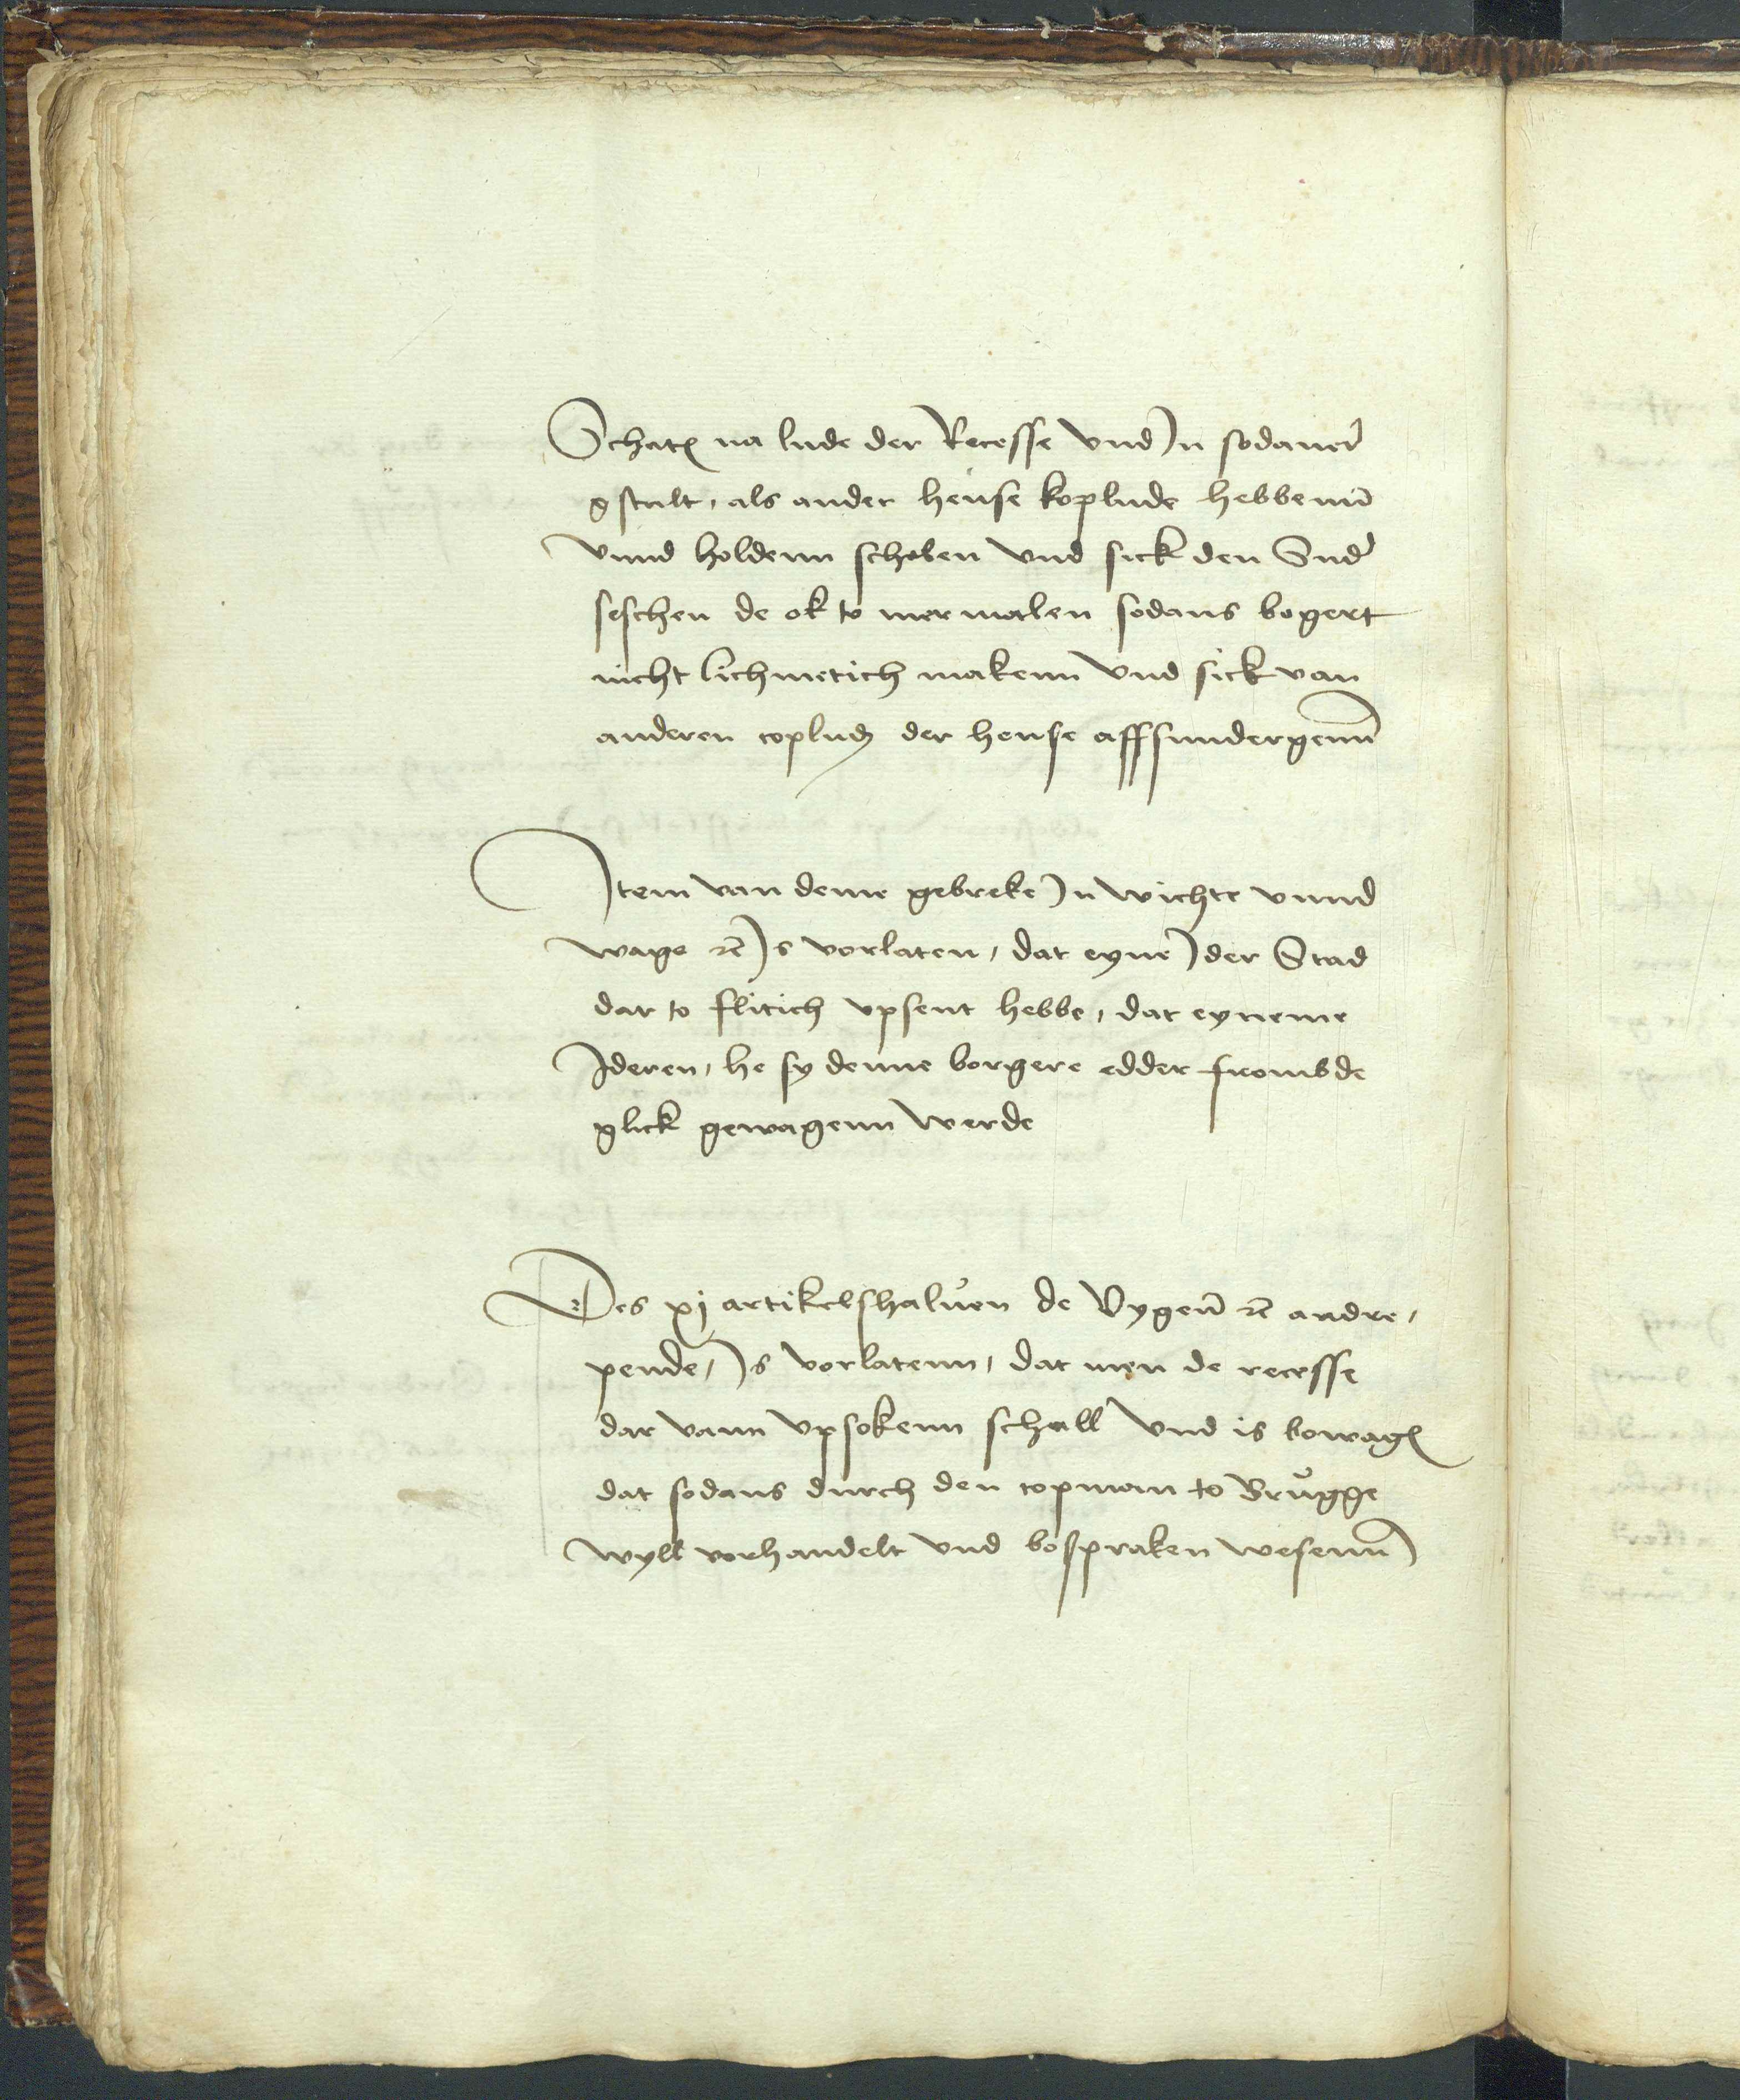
Schates na lude der Recesse vnd Jn sodaner
gstalt, als ander hense koplude hebbenn
vnd holden scholen vnd sick den Suder¬
seschen de ok to mer malen sodans bogert
nicht lichmetich makenn vnd sick van
anderen copluden der hense affsundergenn
Jtem van deme gebreke Jn wichte vnnd
wage etc Js vorlaten, dat eyne Jder Stad
dar to flitich vpsent hebbe, dat eyneme
Jderen, he sy denne borgere edder frombde
glick gewagenn werde
Des xi artikels haluen de Vygen etc andre¬
pende, Js vorlatenn, dat men de recesse
dar vann vpsokenn schall vnd is bowagen
dat sodans durch den copman to Brugge
wyll vorhandelt vnd bospraken wesenn
